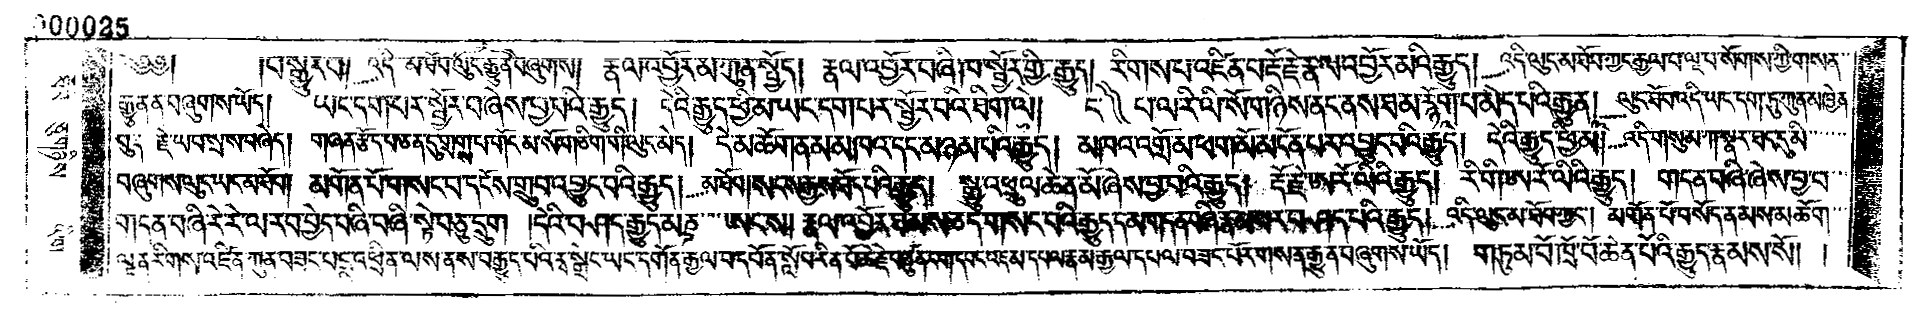༄༅། །བསྒྱུར་བ་འདི་མ་ཐོབ ༼༽ལུང་རྒྱུན༼༽ བཞུགས།  རྣལ་འབྱོར་མ་ཀུན་སྤྱོད། རྣལ་འབྱོར་བཞི་ཁ་སྦྱོར་གྱི་རྒྱུད། རིགས་པ་འཛིན་པ་རྡོ་རྗེ་རྣལ་འབྱོར་མའི་རྒྱུད། འདི་ལུང་མ་ཐོབ་ཀྱང་རྒྱལ་བ་ལྔ་པ་སོགས་ཀྱི་གསན་
རྒྱུན་ན་བཞུགས་ཡོད། ཡང་དག་པར་སྦྱོར་བ་ཞེས་བྱ་བའི་རྒྱུད། དེའི་རྒྱུད་ཕྱི་མ་ཡང་དག་པར་སྦྱོར་བའི་ཐིག་ལེ། ང༼༽ པ་ལ་རི་ལི་སོ་གཉིས་ནང་ནས་ཐ་མ་རྙོག་པ་མེད་པའི་རྒྱུན། ལུང་ཐོབ་འདི་ཡང་དག་ཏུ་ཀུན་མཁྱེན་
བུ༑ རྗེ་ཡབ་སྲས་བཞེད། གཞན་རྩོད་པ་ཅན་དུ་གྲགས་པ་གོང་མ་སོ་གཅིག་གི་ལུང་མེད། དེ་མཆོག་ནམ་མཁའ་དང་མཉམ་པའི་རྒྱུད། མཁའ་འགྲོ་མ་ཕག་མོ་མངོན་པར་འབྱུང་བའི་རྒྱུད། དེའི་རྒྱུད་ཕྱི་མ། འདི་གསུམ་ཀ་སྣར་ཐང་དུ་མི་
བཞུགས་ལུང་ཡང་མ་ཐོབ། མགོན་པོ་གསང་བ་དངོས་གྲུབ་འབྱུང་བའི་རྒྱུད་མ་ཐོབ་།སངས་རྒྱས་ཐོད་པའི་རྒྱུད། སྒྱུ་འཕྲུལ་ཆེན་མོ་ཞེས་བྱ་བའི་རྒྱུད། རྡོ་རྗེ་ཨ་རོ་ལིའི་རྒྱུད། རི་གི་ཨ་རོ་ལིའི་རྒྱུད། གདན་བཞི་ཞེས་བྱ་བ་
གདན་བཞི་རེ་རེ་ལ་རབ་བྱེད་བཞི་བཞི་སྟེ་བཅུ་དྲུག །དེའི་བཤད་རྒྱུད་མཎྜ་ཨང་ས། རྣལ་འབྱོར་ཐམས་ཅད་གསང་བའི་རྒྱུད་དམ་གདན་བཞི་རྣམ་པར་བཤད་པའི་རྒྱུད། འདི་ལུང་མ་ཐོབ་ཀྱང་།  མགོན་པོ་བསོད་ནམས་མཆོག་
ལྡན་རིགས་འཛིན་ཀུན་བཟང་པདམ་འཕྲིན་ལས་ནས་བརྒྱུད་པའི་རྭ་སྒྲེང་ཡང་དགོན་རྒྱལ་བ་དཔོན་སློབ་རིན་པོ་ཆེ་རྗེ་བཙུན་ངག་དབང་འཇམ་དཔལ་རྣམ་རྒྱལ་དཔལ་བཟང་པོར་གསན་རྒྱུན་བཞུགས་ཡོད། གཏུམ་པོ་ཁྲོ་བོ་ཆེན་པོའི་རྒྱུད་རྣམས་སོ། །